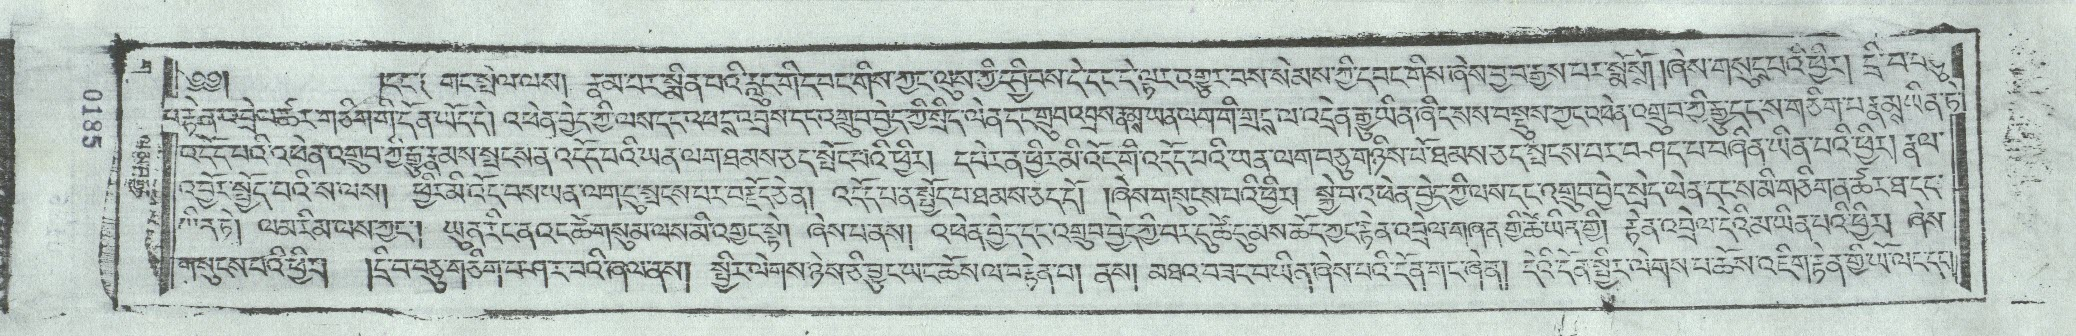༄༅། །དང༑ གང་སྤེལ་ལས། རྣམ་པར་སྨིན་པའི་རླུང་གི་དབང་གིས་ཀྱང་ལུས་ཀྱི་དབྱིབས་དེ་དང་དེ་ལྟར་འགྱུར་བས་སེམས་ཀྱི་དབང་གིས་ཞེས་བྱ་བ་རྒྱས་པར་སྨོས་སོ། །ཞེས་གསུངས་པའི་ཕྱིར། དྲི་བ་བཅུ་
བརྟེན་འབྲེལ་ཚར་གཅིག་གི་དོན་ཡོད་དེ། འཕེན་བྱེད་ཀྱི་ལས་དང་འཕངས་འབྲས་དང་འགྲུབ་བྱེད་ཀྱི་སྲིད་ལེན་དང་གྲུབ་འབྲས་རྣམས་ཡན་ལག་གི་གྲངས་ལ་འདྲེན་རྒྱུ་ཡིན་ཞིང་སས་བསྡུས་ཀྱང་འཕེན་འགྲུབ་ཀྱི་རྒྱུ་དང་ས་གཅིག་པ་རྣམས་ཡིན་ཏེ།
འདོད་པའི་འཕེན་འགྲུབ་ཀྱི་རྒྱུ་རྣམས་སྤངས་ན་འདོད་པའི་ཡན་ལག་ཐམས་ཅད་སྤོང་བའི་ཕྱིར། དཔེར་ན་ཕྱིར་མི་འོང་གི་འདོད་པའི་ཡན་ལག་བཅུ་གཉིས་པོ་ཐམས་ཅད་སྤངས་པར་བཤད་པ་བཞིན་ཡིན་པའི་ཕྱིར། རྣལ་
འབྱོར་སྤྱོད་པའི་ས་ལས། ཕྱིར་མི་འོང་བས་ཡན་ལག་དུ་སྤངས་པར་བརྗོད་ཅེ་ན། འདོད་པ་ན་སྤྱོད་པ་ཐམས་ཅད་དོ། །ཞེས་གསུངས་པའི་ཕྱིར། སྐྱེ་བ་འཕེན་བྱེད་ཀྱི་ལས་དང་འགྲུབ་བྱེད་སྲེད་ལེན་དང་ས་མི་གཅིག་ན་ཚར་ཐ་དད་
ཡིན་ཏེ། ལམ་རིམ་ལས་ཀྱང་། ཡུན་རིང་ནའང་ཚེ་གསུམ་ལས་མི་འགྱང་སྟེ། ཞེས་པ་ནས། འཕེན་བྱེད་དང་འགྲུབ་བྱེད་ཀྱི་བར་དུ་ཚེ་དུ་མས་ཆོད་ཀྱང་རྟེན་འབྲེལ་གཞན་གྱི་ཚེ་ཡིན་གྱི། རྟེན་འབྲེལ་དེའི་མ་ཡིན་པའི་ཕྱིར། ཞེས་
གསུངས་པའི་ཕྱིར། །དྲི་བ་བཅུ་གཅིག་པ་ཤར་བའི་ཞལ་ནས། སྤྱིར་ལེགས་ཉེས་ཅི་བྱུང་ཡང་ཆོས་ལ་བརྟེན་པ། ནས། མཐའ་བཟང་བ་ཡིན་ཞེས་པའི་དོན་གང་ཞེ་ན། དེའི་དོན་སྤྱིར་ལེགས་པ་ཆོས་འཇིག་རྟེན་གྱི་ཡོ་ལང་དང་།